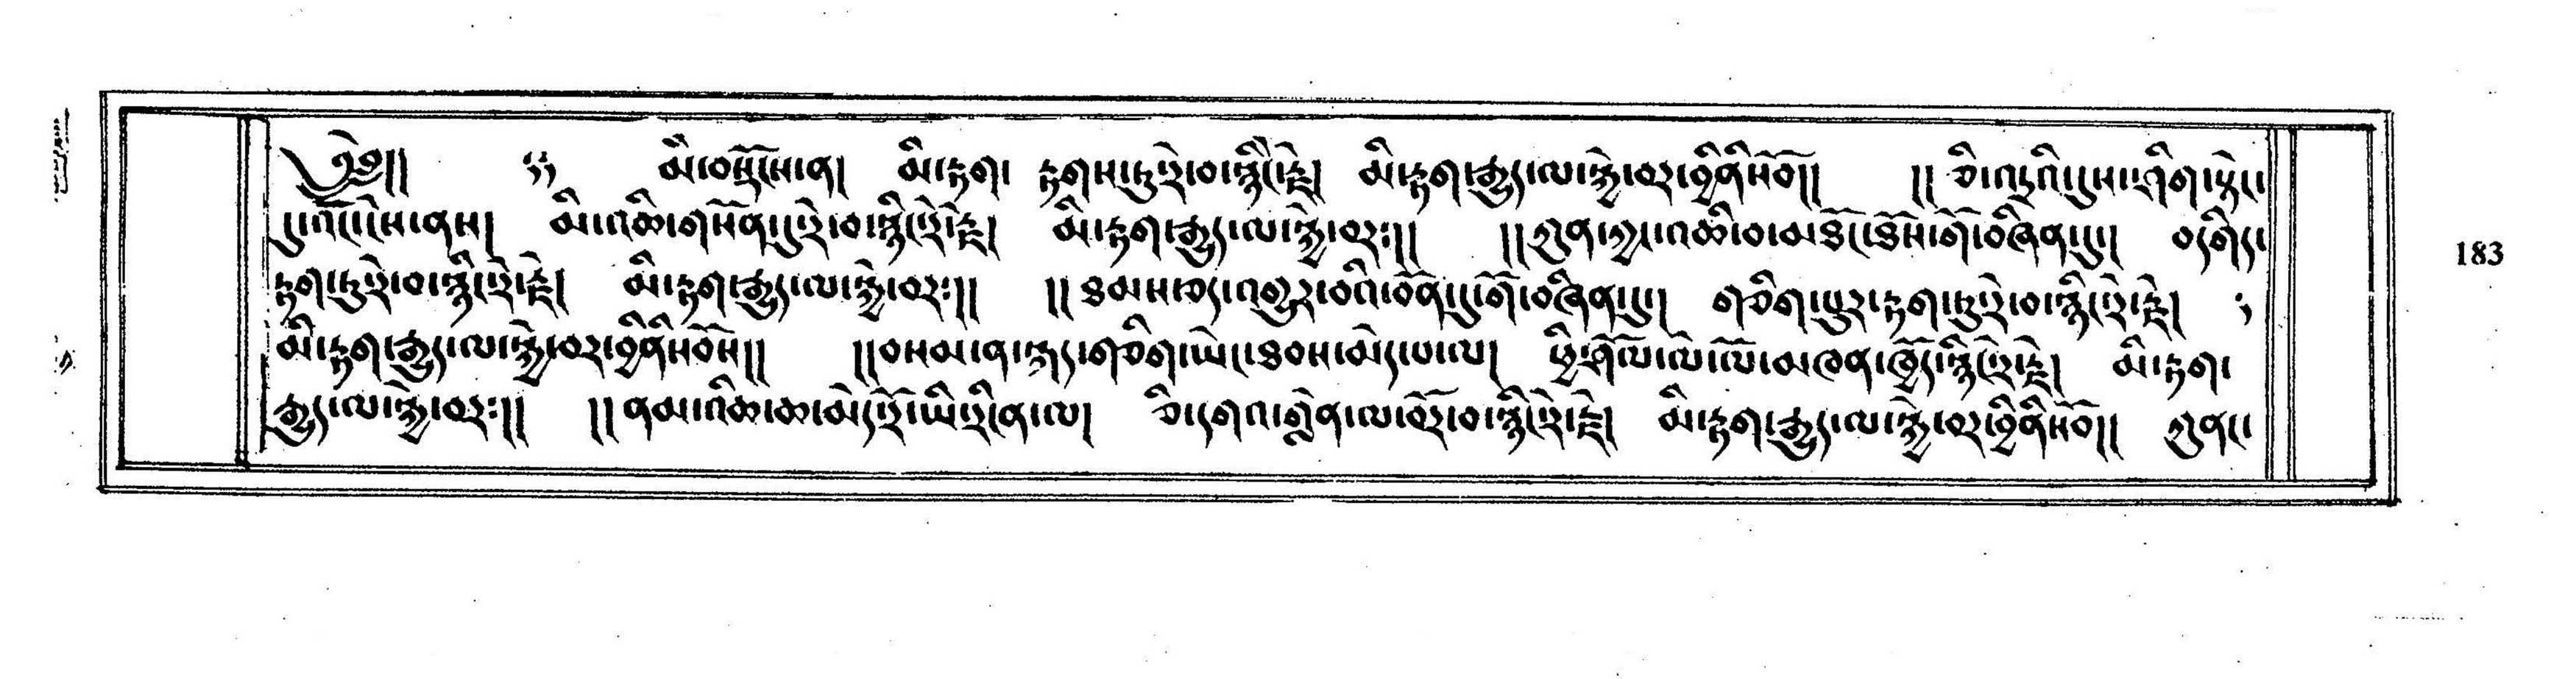མི་བསྡོངས་ན། མི་རྟག་རྟག་ཏུ་རེ་བ་སྙིང་རེ་རྗེ། མི་རྟག་རྒྱུད་ལ་སྐྱེ་བར་བྱིན་གྱིས་རློབས།། །།ཅི་འདྲའི་དུས་ཤིག་སྟེང་
དུ་འོང་ངེས་ནས། མི་འཆི་གསོན་དུ་རེ་བ་སྙིང་རེ་རྗེ། མི་རྟག་རྒྱུད་ལ་སྐྱེ་བར༴།། །།ཀུན་ཀྱང་འཆི་བ་མཐོང་ཐོས་གོ་བཞིན་དུ། བདག་ཉིད་
རྟག་ཏུ་རེ་བ་སྙིང་རེ་རྗེ། མི་རྟག་རྒྱུད་ལ་སྐྱེ་བར༴།། །།ཐམས་ཅད་འགྱུར་བའི་བོན་དུ་གོ་བཞིན་དུ། གཅིག་པུར་རྟག་ཏུ་རེ་བ་སྙིང་རེ་རྗེ། 
མི་རྟག་རྒྱུད་ལ་སྐྱེ་བར་བྱིན་གྱིས་རློབས།། །།བསམ་ན་སྐད་གཅིག་ཡེང་ཐབས་མེད་པ་ལ། ཕྱི་ཤོལ་ལེ་ལོ་མཁན་ཁྱོད་སྙིང་རེ་རྗེ། མི་རྟག་
རྒྱུད་ལ་སྐྱེ་བར༴།། །།ནམ་འཆི་ཆ་མེད་རོ་ཡི་རང་བཞིན་ལ། ཅི་དགའ་གླེན་ལ་བོར་བ་སྙིང་རེ་རྗེ། མི་རྟག་རྒྱུད་ལ་སྐྱེ་བར་བྱིན་གྱིས་རློབས།། ཀུན་ཀྱང་